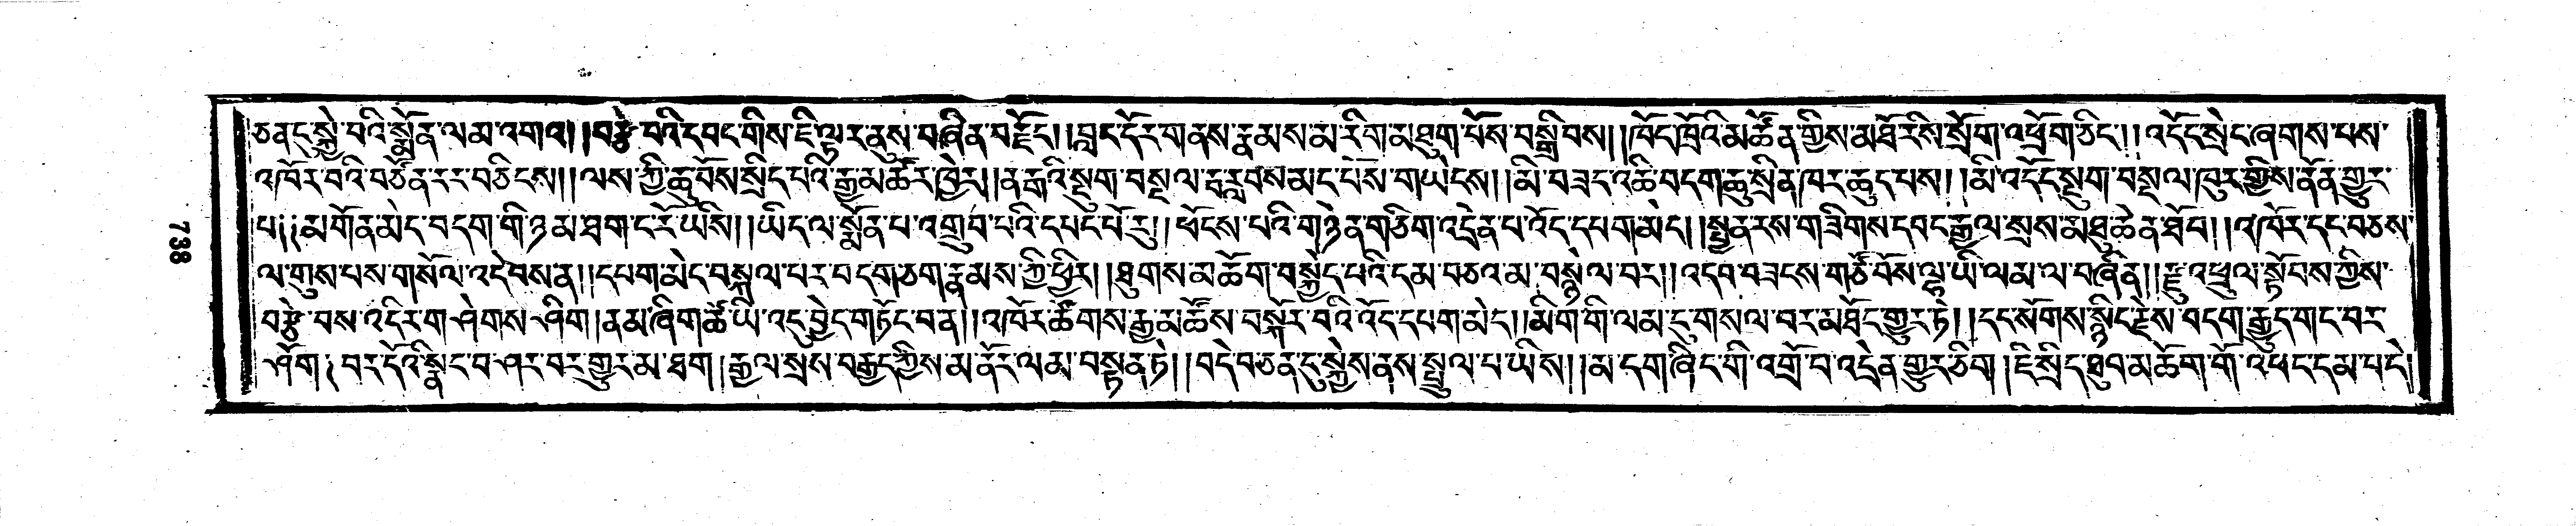ཅན་དུ་སྐྱེ་བའི་སྨོན་ལམ་འགའ། །བརྩེ་བའི་དབང་གིས་ཇི་ལྟར་ནུས་བཞིན་བརྗོད། །བླང་དོར་གནས་རྣམས་མ་རིག་མཐུག་པོས་བསྒྲིབས། །ཁོང་ཁྲོའི་མཚོན་གྱིས་མཐོ་རིས་སྲོག་འཕྲོག་ཅིང་། །འདོད་སྲེད་ཞགས་པས་
འཁོར་བའི་བཙོན་རར་བཅིངས། །ལས་ཀྱི་ཆུ་བོས་སྲིད་པའི་རྒྱ་མཚོར་ཁྱེར། །ན་རྒའི་སྡུག་བསྔལ་རྦ་རླབས་མང་པོས་གཡེངས། །མི་བཟད་འཆི་བདག་ཆུ་སྲིན་ཁར་ཆུད་པས། །མི་འདོད་སྡུག་བསྔལ་ཁུར་གྱིས་ནོན་གྱུར་
པ། །མགོན་མེད་བདག་གི་ཉམ་ཐག་ང་རོ་ཡིས། །ཡིད་ལ་སྨོན་པ་འགྲུབ་པའི་དབང་པོ་རུ། །ཕོངས་པའི་གཉེན་གཅིག་འདྲེན་པ་འོད་དཔག་མེད། །སྤྱན་རས་གཟིགས་དབང་རྒྱལ་སྲས་མཐུ་ཆེན་ཐོབ། །འཁོར་དང་བཅས་
ལ་གུས་པས་གསོལ་འདེབས་ན། །དཔག་མེད་བསྐལ་པར་བདག་ཅག་རྣམས་ཀྱི་ཕྱིར། །ཐུགས་མཆོག་བསྐྱེད་པའི་དམ་བཅའ་མ་བསྙེལ་བར། །འདབ་བཟངས་གཙོ་བོས་ལྷ་ཡི་ལམ་ལ་བཞིན། །རྫུ་འཕྲུལ་སྟོབས་ཀྱིས་
བརྩེ་བས་འདིར་གཤེགས་ཤིག །ནམ་ཞིག་ཚེ་ཡི་འདུ་བྱེད་གཏོང་བ་ན། །འཁོར་ཚོགས་རྒྱ་མཚོས་བསྐོར་བའི་འོད་དཔག་མེད། །མིག་གི་ལམ་དུ་གསལ་བར་མཐོང་གྱུར་ཏེ། །དད་སོགས་སྙིང་རྗེས་བདག་རྒྱུད་གང་བར་
ཤོག །བར་དོའི་སྣང་བ་ཤར་བར་གྱུར་མ་ཐག །རྒྱལ་སྲས་བརྒྱད་ཀྱིས་མ་ནོར་ལམ་བསྟན་ཏེ། །བདེ་བ་ཅན་དུ་སྐྱེས་ནས་སྤྲུལ་པ་ཡིས། །མ་དག་ཞིང་གི་འགྲོ་བ་འདྲེན་གྱུར་ཅིག །ཇི་སྲིད་ཐུབ་མཆོག་གོ་འཕང་དམ་པ་དེ།